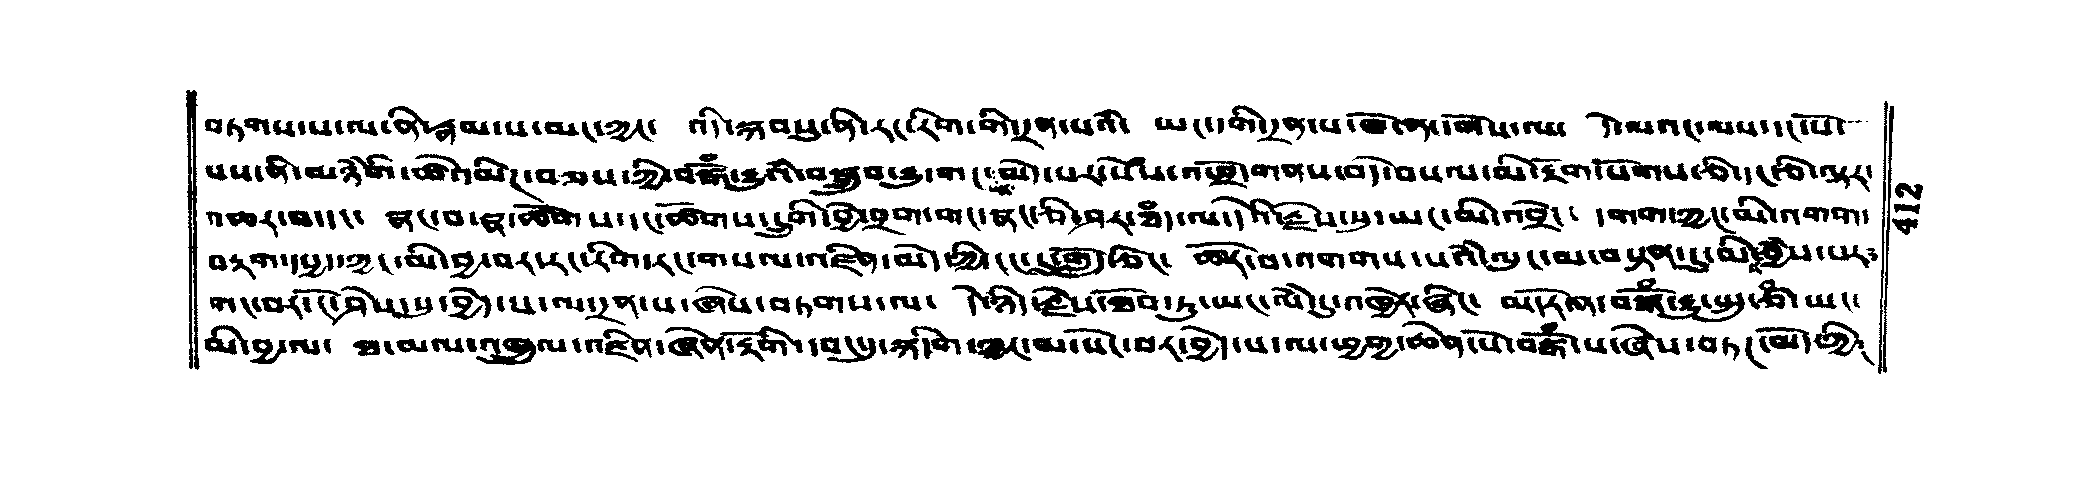བཏགས་པ་ལ་ནི་རྣམ་པ་མང་ཀྱང་། འདི་སྐབས་སུ་ནི་རང་རིག་གི་དྲན་པའམ། ཡང་དག་གི་དྲན་པ་ཁོ་ན་དགོས་ལ། དེ་ལའང་ལས་དང་པོ་
པས་ནི་མཉམ་གཞག་གི་ཚེ་དམིགས་བཅས་ཀྱི་བསྒོམ་རྒྱུའམ་རྒྱུ་གང་ཡང་མེད་པར་སེམས་འཕྲོ་གནས་བདེ་བསལ་མི་རྟོག་སོགས་ཅི་དང་ཅི་ལྟར་
འཆར་བ་དང་། སྣང་བ་སྣ་ཚོགས་དང་ཚོགས་དྲུག་གི་བྱེ་བྲག་གང་སྣང་ཅི་ཤར་ཐམས་ཅད་ལ་དེའི་རྗེས་སུ་ཡང་མི་འབྲེང་། དགག་ཀྱང་མི་འགག་
བརྟག་དཔྱད་ཀྱང་མི་བྱ་བར་རང་རིག་རང་གསལ་འཛིན་མེད་ཀྱི་ངང་དུ་གློད་ཅིང་། ཚོར་བ་འགགས་པའམ་ལུང་མ་བསྟན་དུ་མི་འབྱམས་པར་
གང་བར་ངོ་ཤེས་སུ་བྱེད་པ་ལ་དྲན་པ་ཞེས་བཏགས་ལ། དེ་ཉིད་རྗེས་ཐོབ་ཏུ་ཡང་ལམ་དུ་འཁྱེར་ཞིང་། མདོར་ན་བསྒོམ་རྒྱུ་སྤུ་ཙམ་ཡང་
མི་བྱ་ལ། ཐ་མལ་འཁྲུལ་འཛིན་ཞེན་རྟོག་གི་དབང་དུ་སྐད་ཅིག་ཀྱང་མ་སོང་བར་བྱེད་པ་ལ་ཕྱག་རྒྱ་ཆེན་པོ་ཞེས་བཏགས་མོད་ཀྱི།